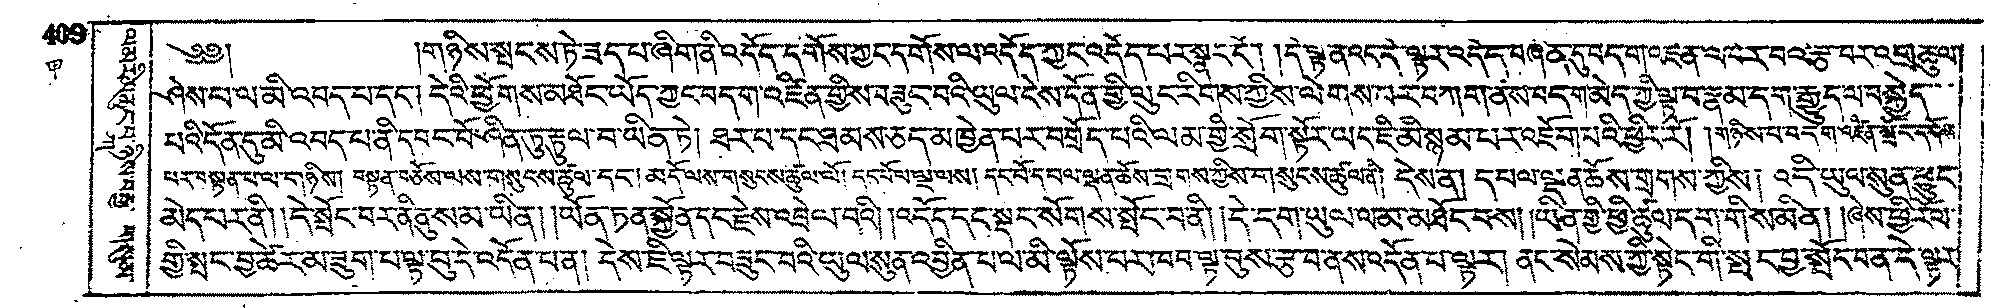༄༅། །གཉིས་སྤངས་ཏེ་ཟད་པ་ཞིག་ནི་འདོད་དགོས་ཀྱང་དགོས་ལ་འདོད་ཀྱང་འདོད་པར་སྣང་ངོ། །དེ་ལྟ་ནའང་དེ་ལྟར་འདོད་བཞིན་དུ་བདག་འཛིན་འཁོར་བའ་རྩ་བར་འགྲ་ཆུལ་
ཤེས་པ་ལ་མི་འབད་པ་དང་། དེའི་ཕྱོགས་མཐོང་ཡོད་ཀྱང་བདག་འཛིན་གྱིས་བཟུང་བའི་ཡུལ་ངེས་དོན་གྱིས་ལུང་རིགས་ཀྱིས་ལེགས་པར་བཀག་ནས་བདག་མེད་ཀྱི་ལྟ་བ་རྣམ་དག་རྒྱུད་ལ་བསྐྱེད་
པའི་དོན་དུ་མི་འབད་པ་ནི་དབང་པོ་ཤིན་ཏུ་རྟུལ་བ་ཡིན་ཏེ། ཐར་པ་དང་ཐམས་ཅད་མཁྱེན་པར་བགྲོད་པའི་ལམ་གྱི་སྲོག་སྟོར་ཡང་ཇི་མི་སྙམ་པར་འཇོག་པའི་ཕྱིར་རོ། །གཉིས་པ་བདག་འཛིན་སྤོང་དགོས་
པར་བསྟན་པ་ལ་གཉིས། བསྟན་བཅོས་ལས་གསུངས་ཚུལ་དང་། མདོ་ལས་གསུངས་ཚུལ་ལོ། དང་པོ་ལ་ལྔ་ལས། དང་པོ་དཔལ་ལྡན་ཆོས་གྲགས་ཀྱིས་གསུངས་ཚུལ་ནི། དེས་ན། དཔལ་ལྡན་ཆོས་གྲགས་ཀྱིས། འདི་ཡུལ་སུན་ཕྱུང་
མེད་པར་ནི། །དེ་སྤོང་བར་ནི་ནུས་མ་ཡིན། །ཡོན་ཏན་སྐྱོན་དང་རྗེས་འབྲེལ་བའི། །འདོད་དང་སྡང་སོགས་སྤོང་བ་ནི། །དེ་དག་ཡུལ་ལ་མ་མཐོང་བས། །ཡིན་གྱི་ཕྱི་ཚུལ་དག་གིས་མིན། །ཞེས་ཕྱི་རོལ་
གྱི་སྤང་བྱ་ཚེར་མ་ཟུག་པ་ལྟ་བུ་དེ་འདོན་པ་ན། དེས་ཇི་ལྟར་བཟུང་བའི་ཡུལ་སུན་འབྱིན་པ་ལ་མི་ལྟོས་པར་ཁབ་ལྟ་བུས་རྩ་བ་ནས་འདོན་པ་ལྟར། ནང་སེམས་ཀྱི་སྟེང་གི་སྤང་བྱ་སྤོང་བ་ན་དེ་ལྟར་